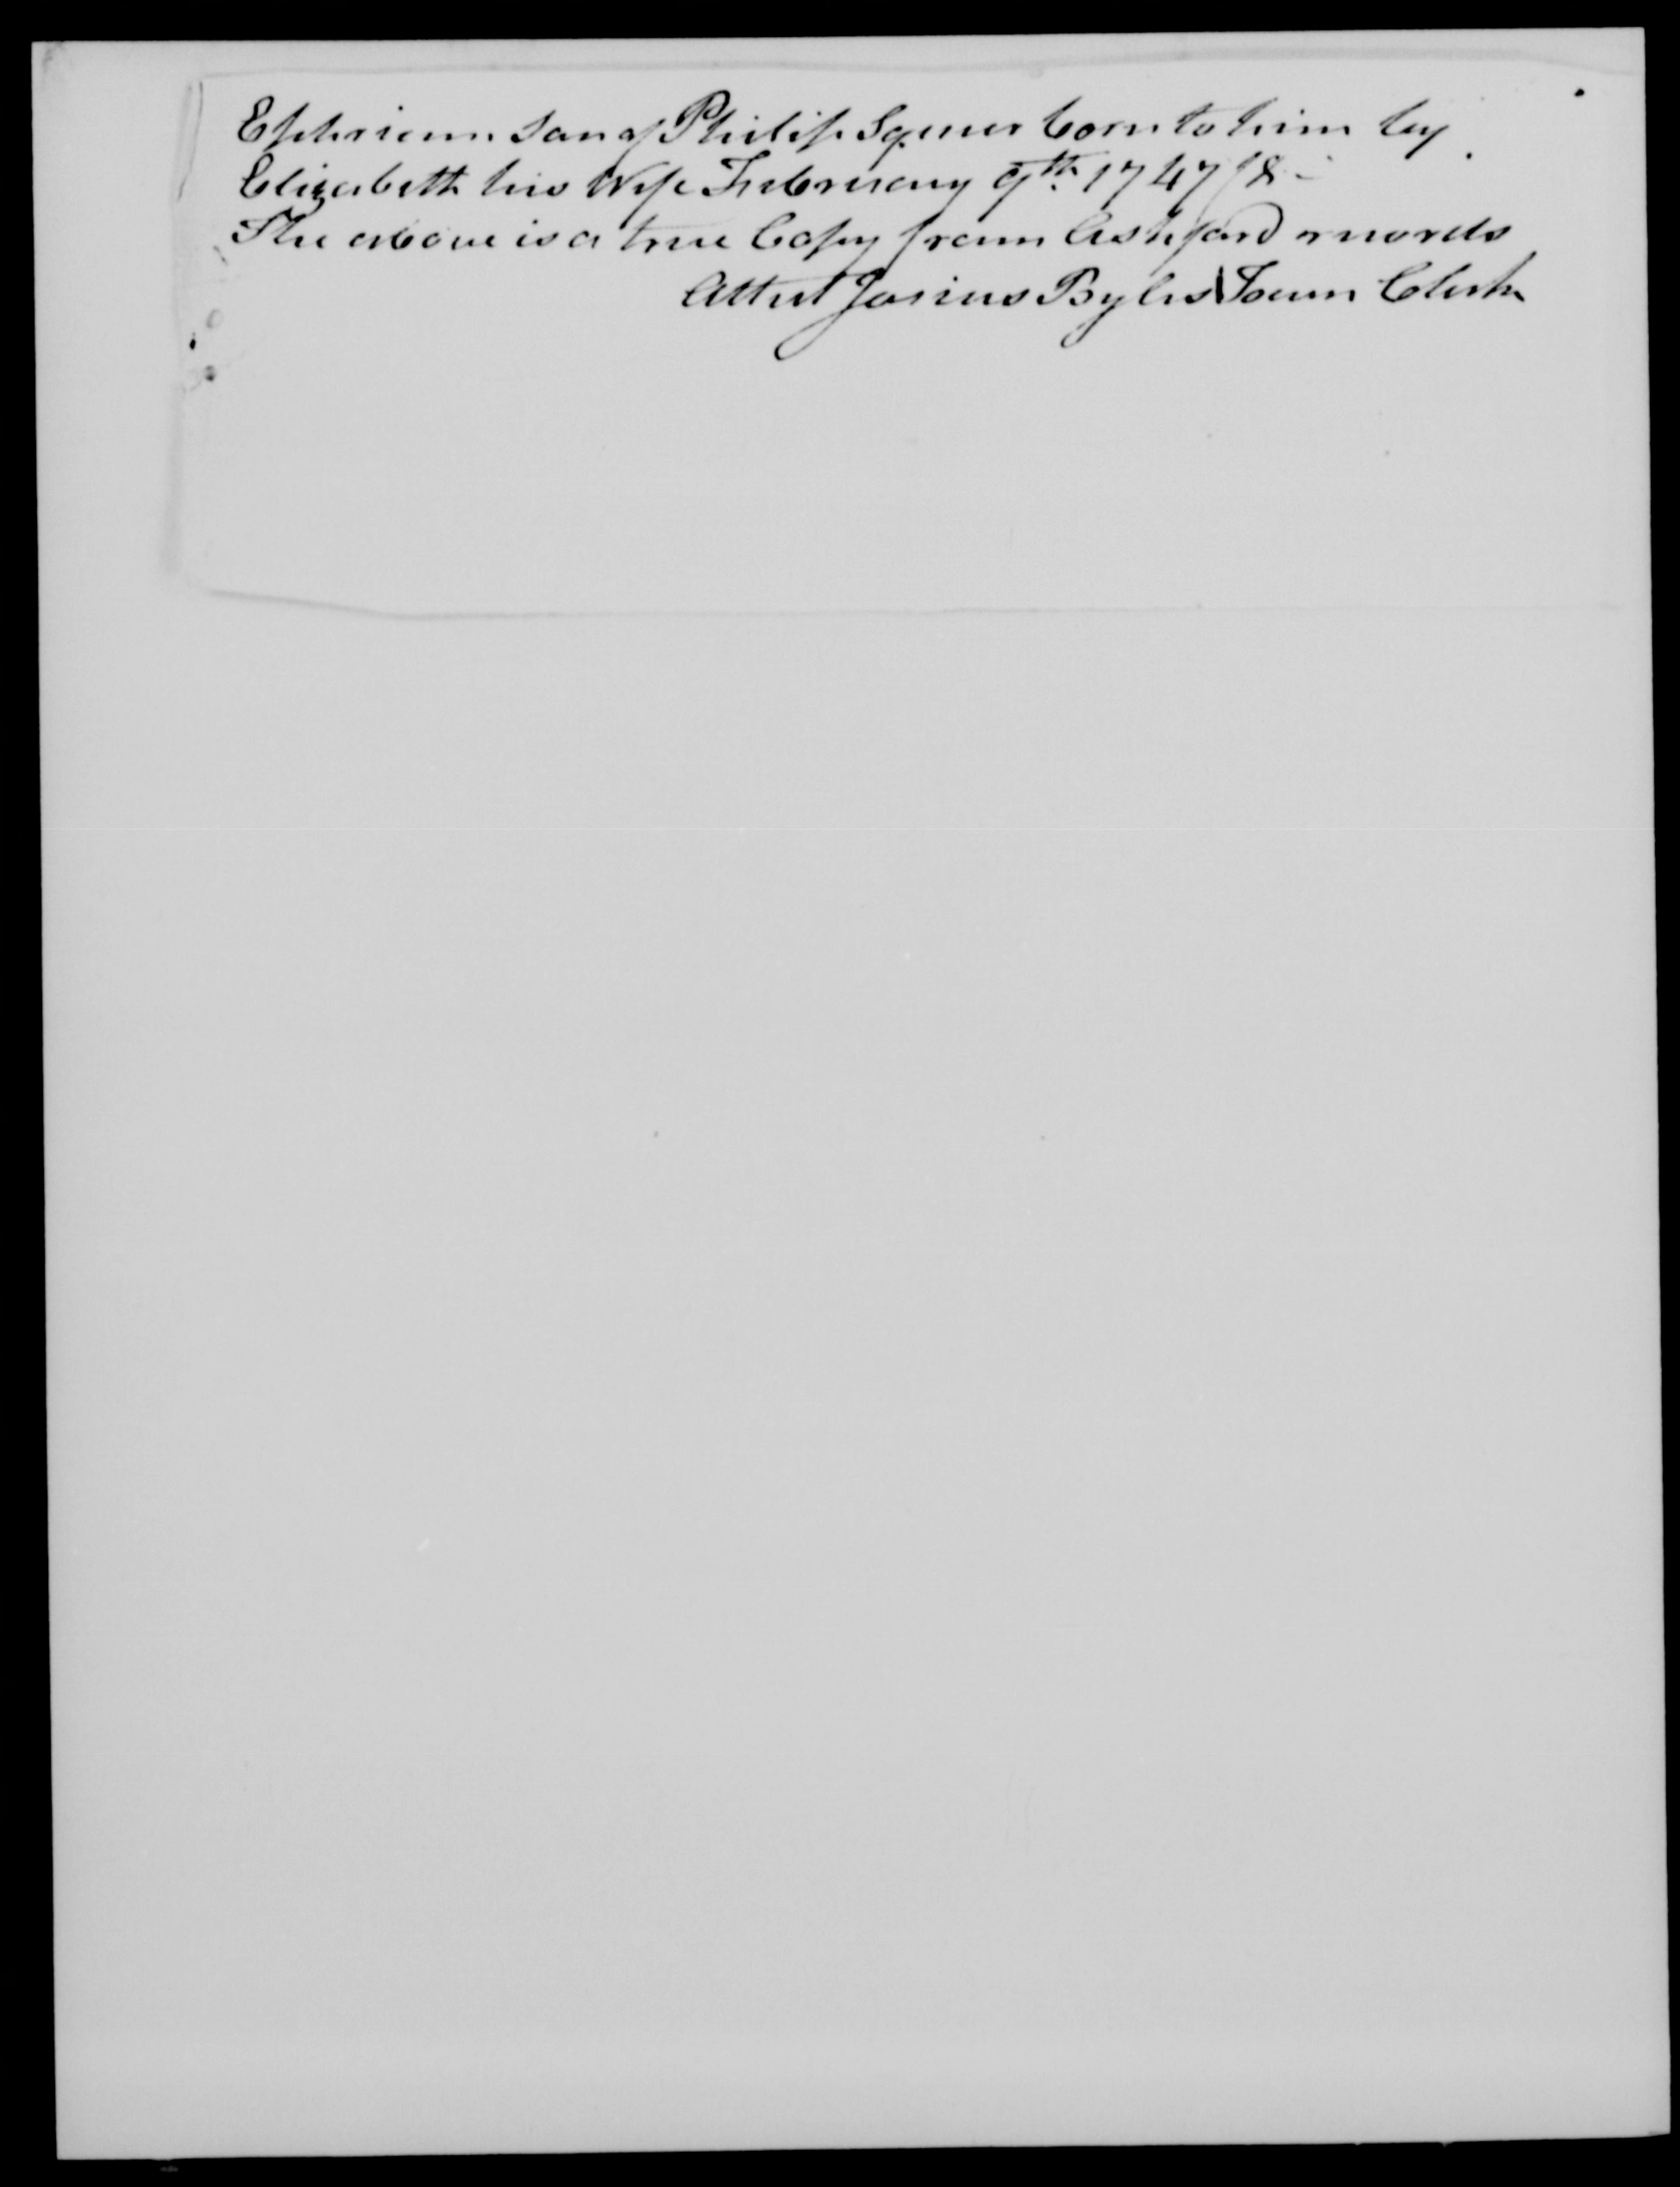Ephraim, son of Philip Squier born to him by Elizabeth his wife February 9th 1747/9 -
The above is a true Copy from Ashford records 
Attest Josias Byles Town Clerk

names: Josius Byles; Philip Squier; Elizabeth [BLANK]; Ephriam Squier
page: 2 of 70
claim: rejected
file: R. 10,026, for Ephraim Squier, Connecticut